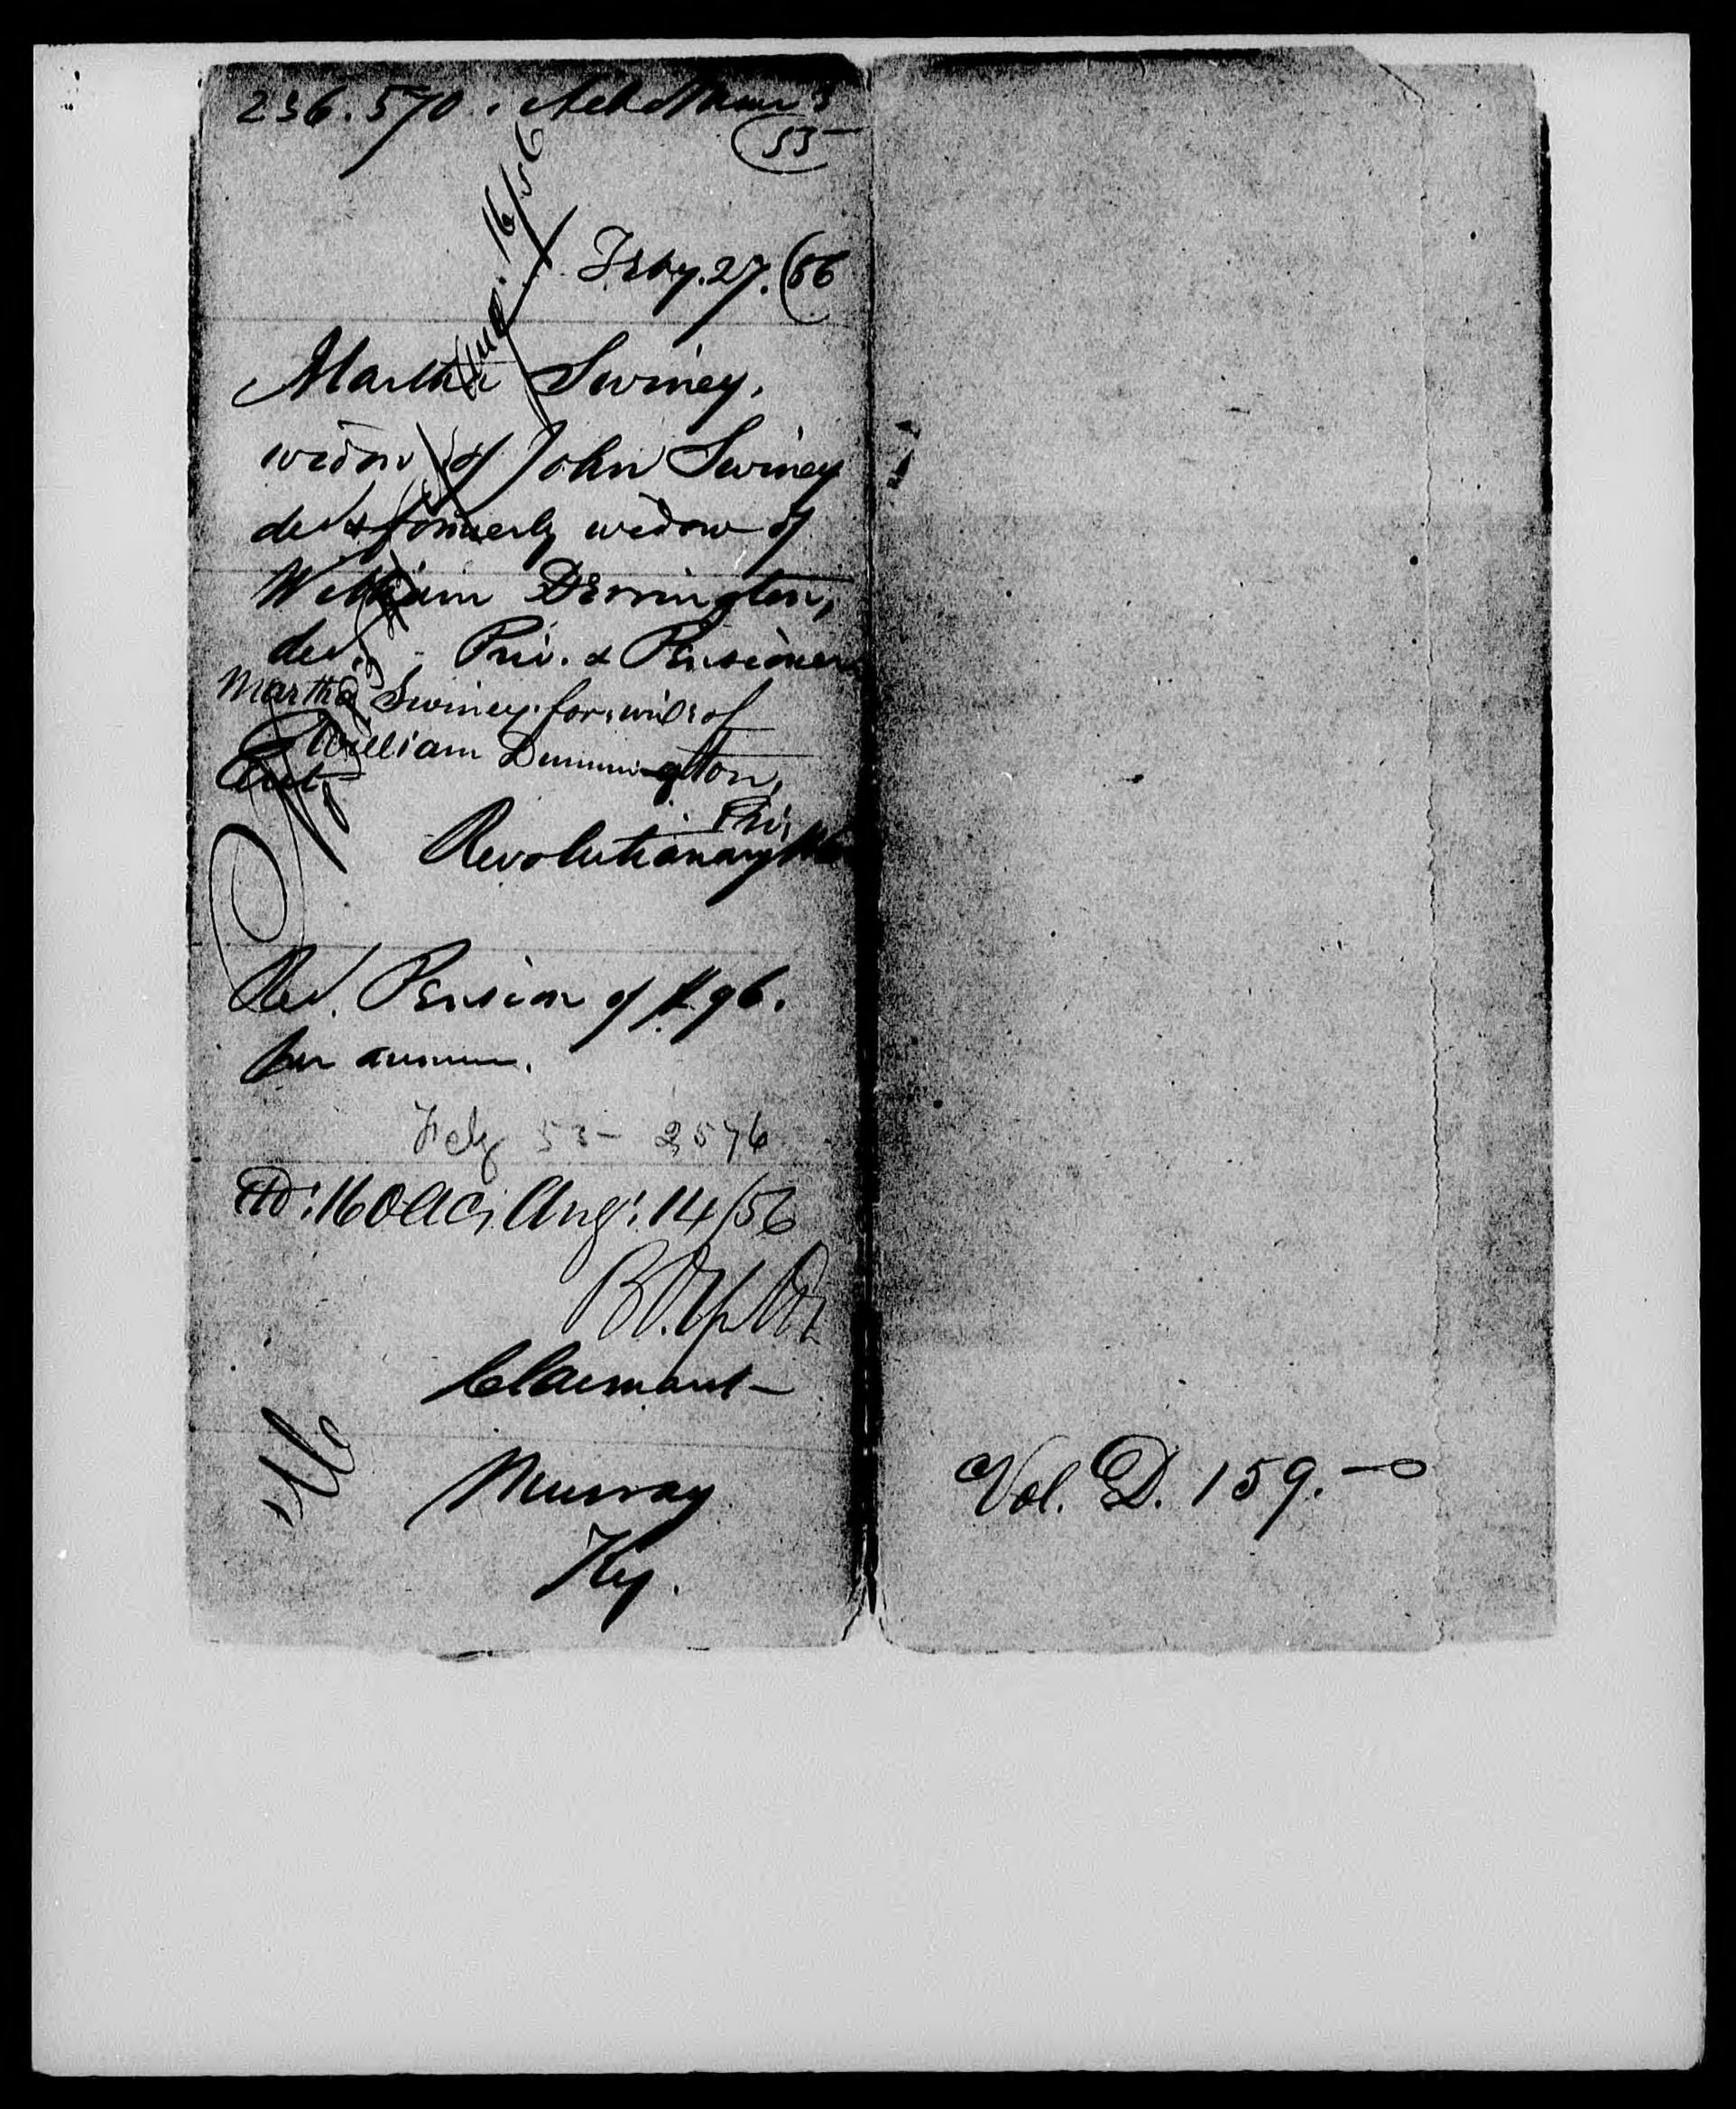256.570.  [illegible] . 55
     
    Aug.     16/56
               [illegible]    .27 (66
Martha Swiney
widow of John Swiney

des. & formerly widow of William Derrington
des- _____
Martha Swiney for. wid. of William Derrington
Revolutionary
[illegible] Pension of $96
[illegible]
Feb 53 - 2,576
@: 1600 @ Aug: 14/56
[illegible signature]
Clansman
Murray
Ky.   Vol. D. 159.-0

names: Boynton, Martha Swiney, William Dunning, Martha Swiney, William Derrington, John Swiney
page: 4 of 51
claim: widow's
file: W. 27,409, William Dunnington, Md.